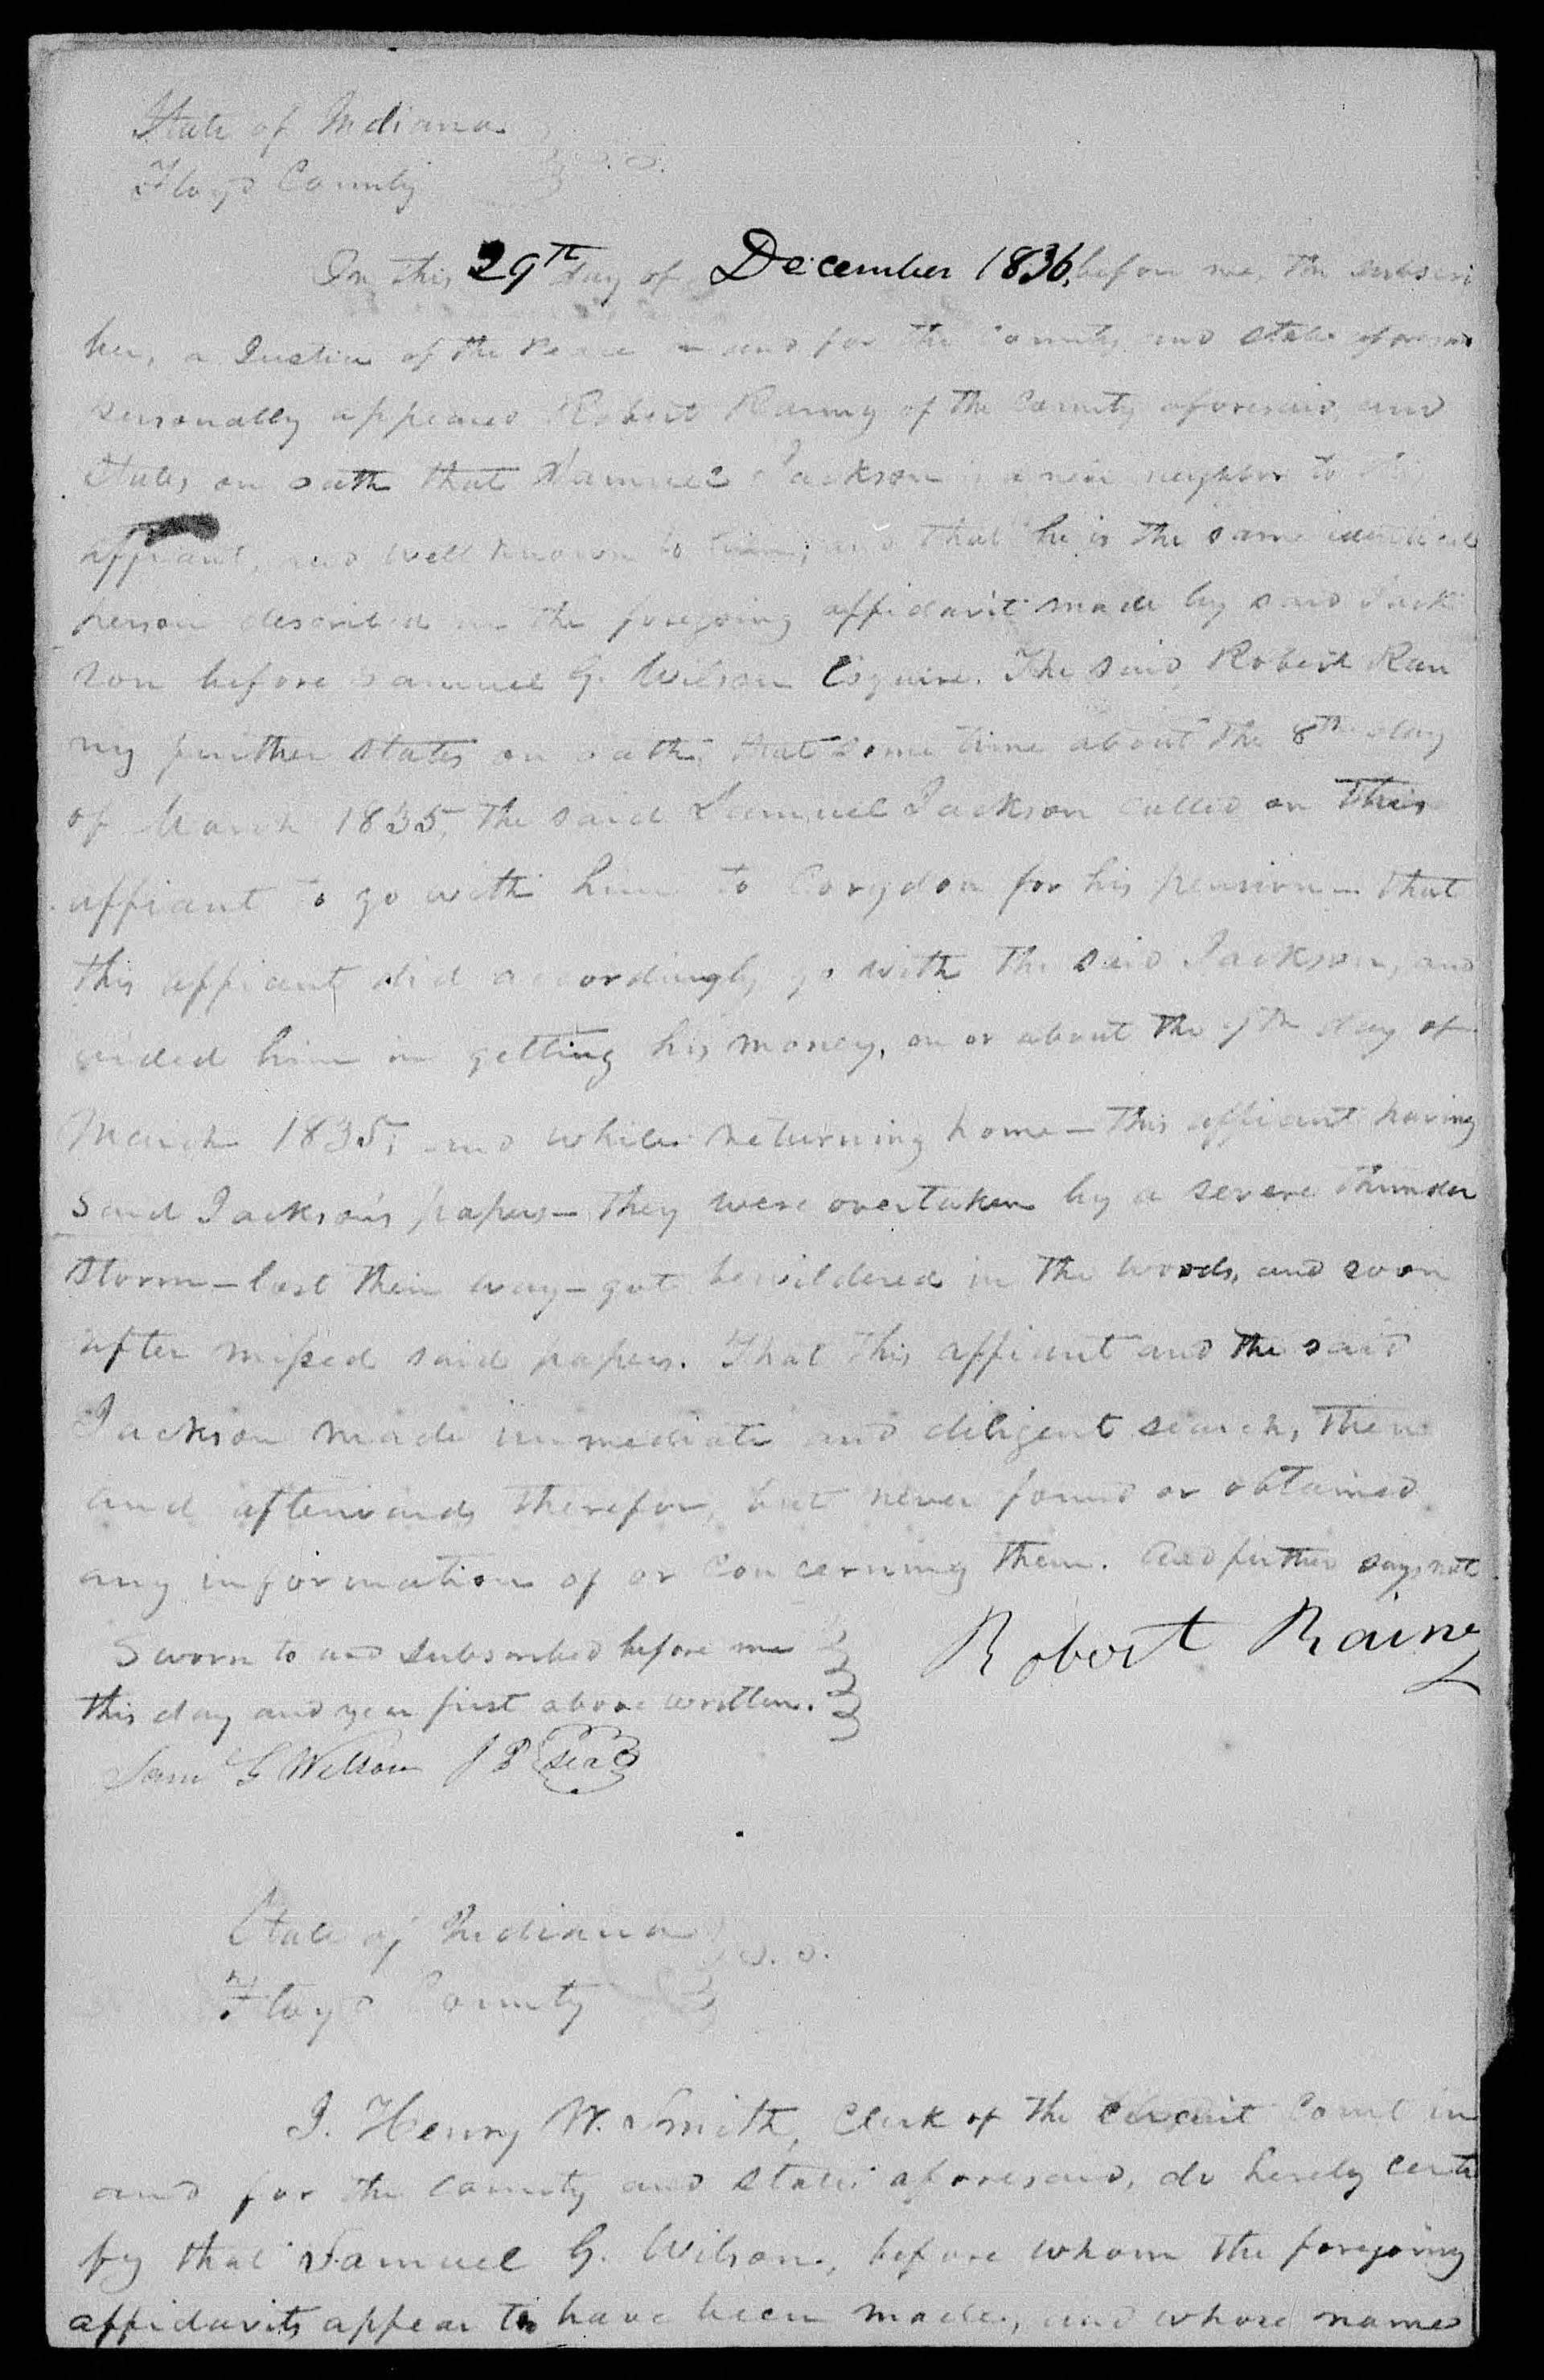State of Indiana
Floyd County } S.S.
On this 29th day of December 1836, before me, the subscriber
a Justice of the Peace in and for the County and state aforesaid
personally appeared Robert Ranny of the County aforesaid and
States on oath that Samuel Jackson is a near neighbor to this
affiant and well known to him; and that he is the same
person described in the foregoing affidavit made by said 
Jackson before Samuel G. Wilson Esquire. The said Robert Ranny
further States on oath that some time about the 8th May or
March 1835 the said Samuel Jackson called on this
affiant to go with him to Corydon for his pension _ that
this affiant did accordingly with the said Jackson, and
aided him in getting his money, on or about the 7th day of
March 1835, and while returning home - this affiant having
said Jackson papers - they were overtaken by a severe 
thunderstorm-- lost their way, got bewildered in the woods, and soon
after missed said papers. That this affiant and the said
Jackson made immediate and diligent search, then
and afterwards therefore but never found or obtained
any information of or concerning them. And further says not.
Robert Rainy
Sworn to and subscribed before me
this day and year first above written.
Sam G Wilson JP

State of Indiana
Floyd County

I Henry W. Smith, Clerk of the Circuit Court in
of the County and State aforesaid, do hereby certify
that Samuel G. Wilson, before whom the foregoing
affidavits appear to have been made, and whose name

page: 31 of 56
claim: rejected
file: R 5529, for Samuel Jackson, Virginia